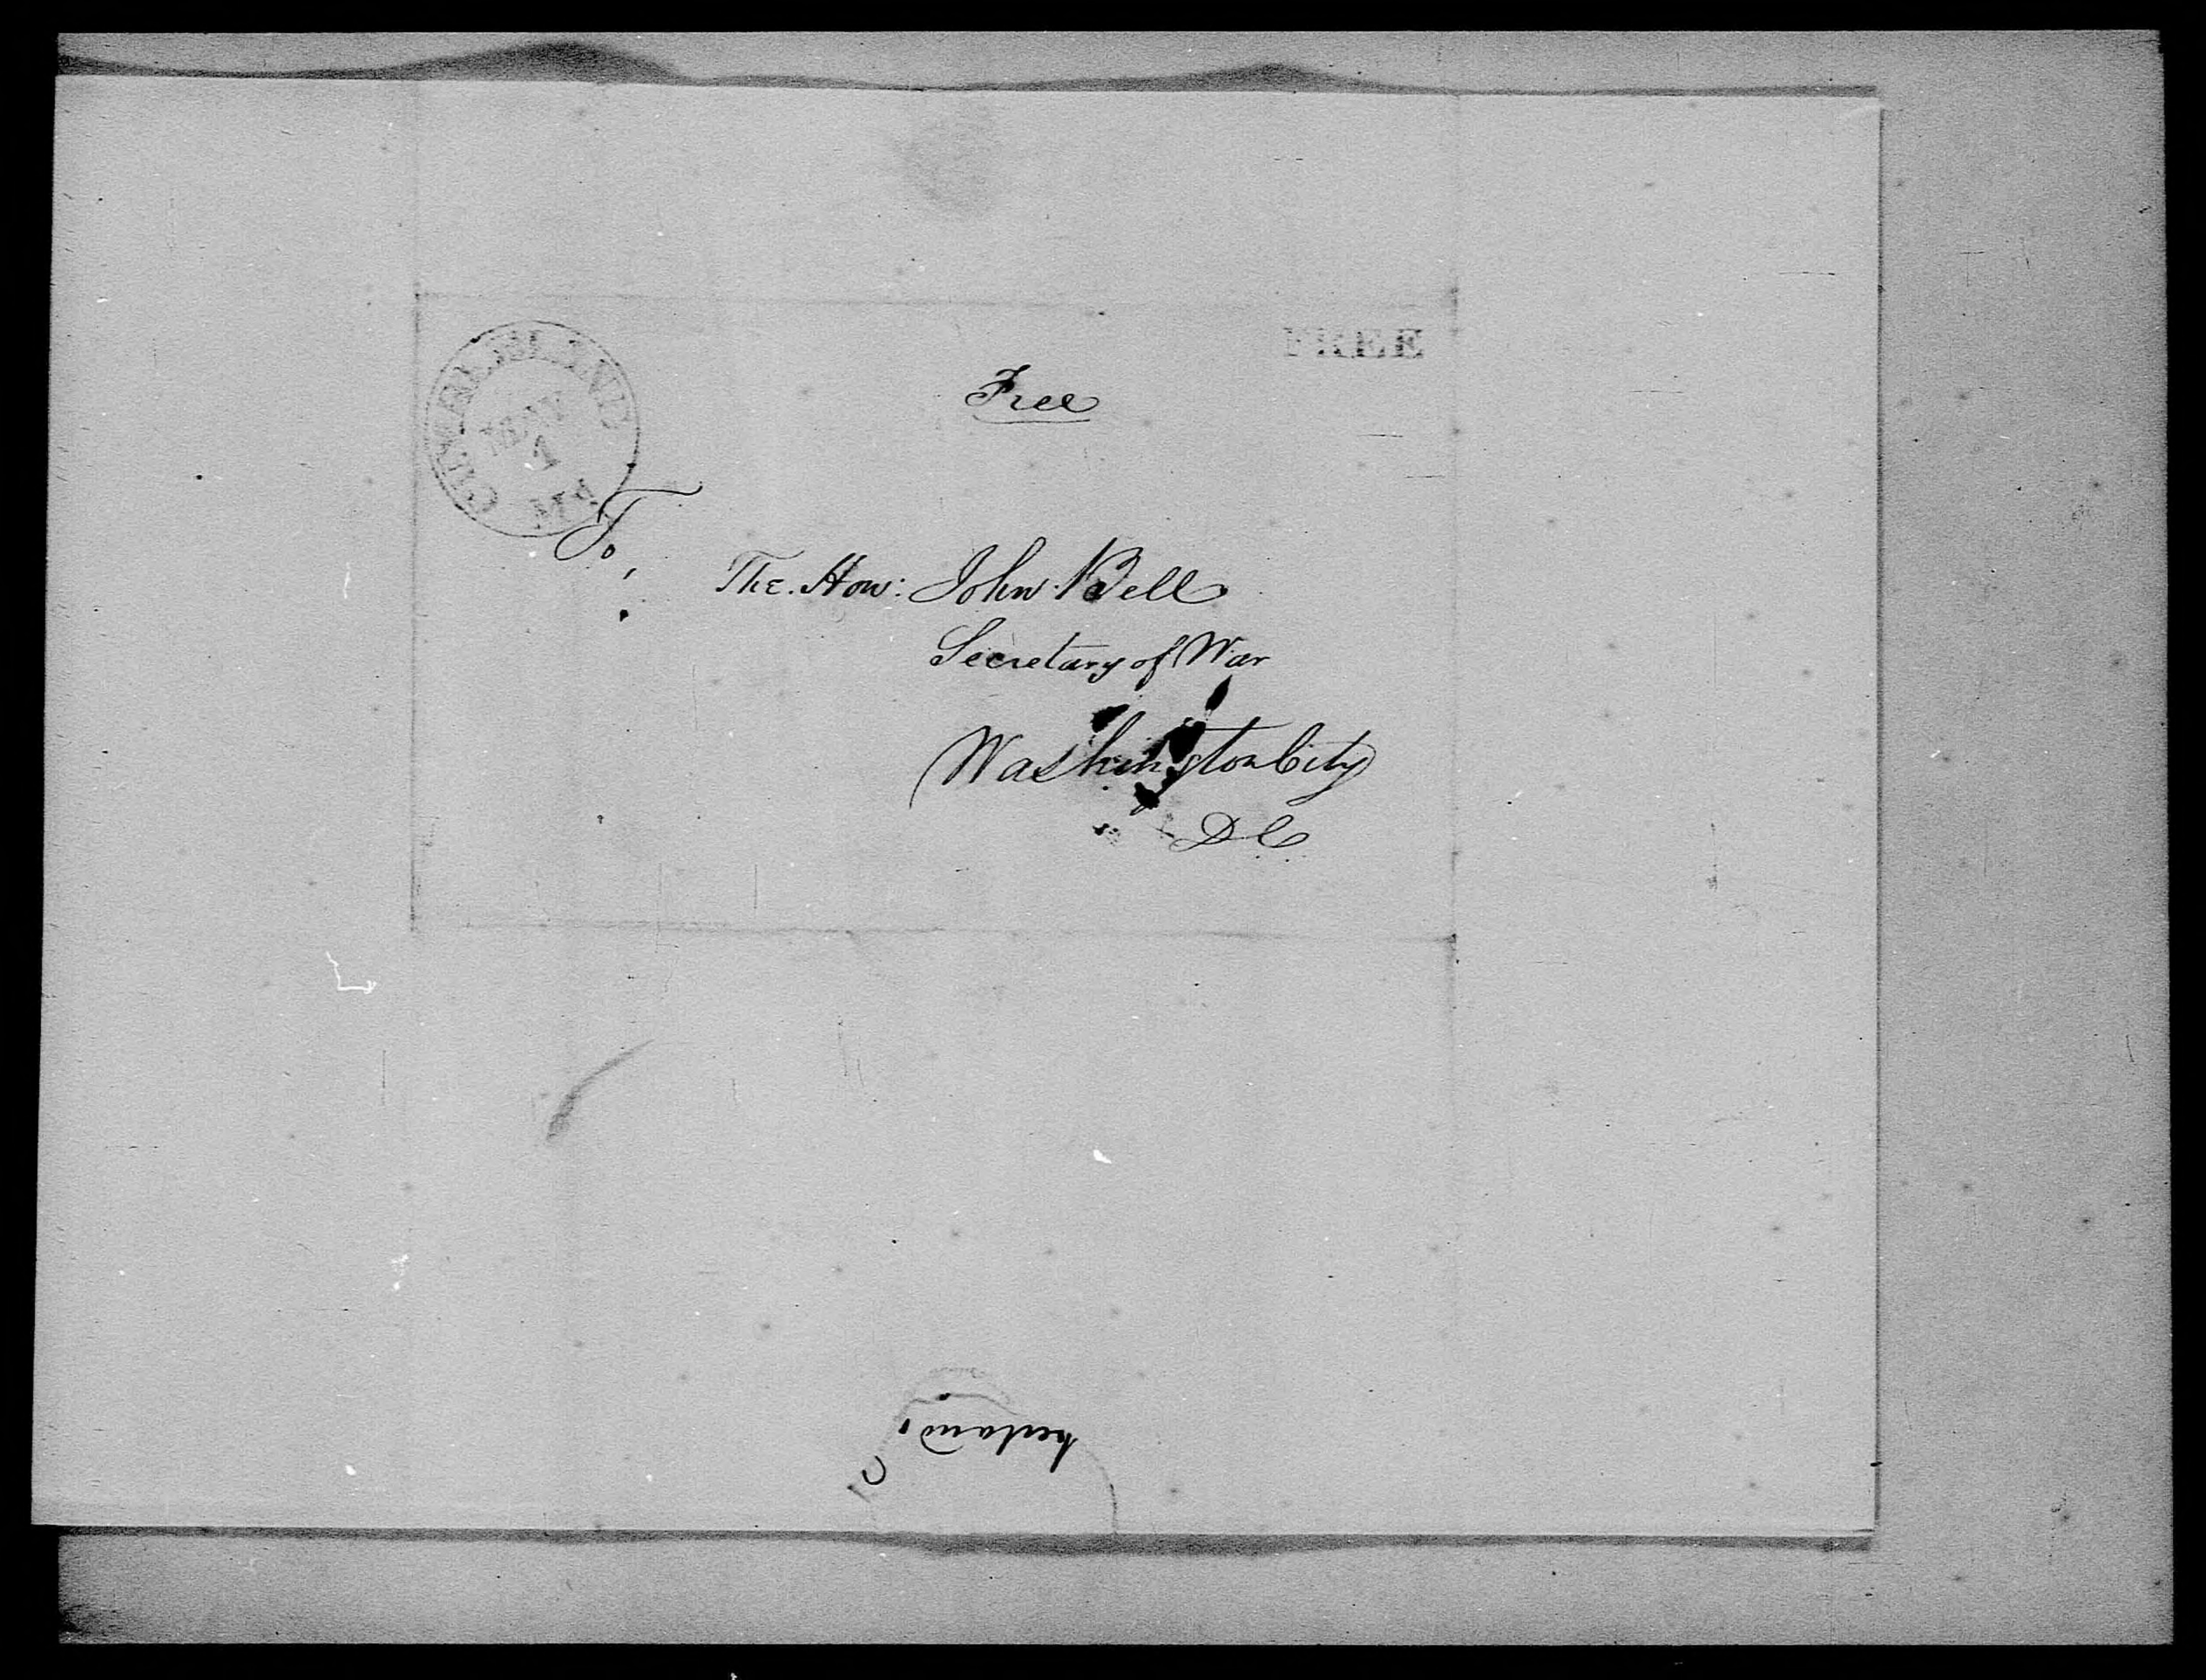FREE

Free
(stamp) CUMBERLAND MAY 1 Md

The Hon: John Bell
Secretary of War
Washington City
DC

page: 18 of 25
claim: survivor's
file: S. 35093, for Richard R Tasker, Maryland